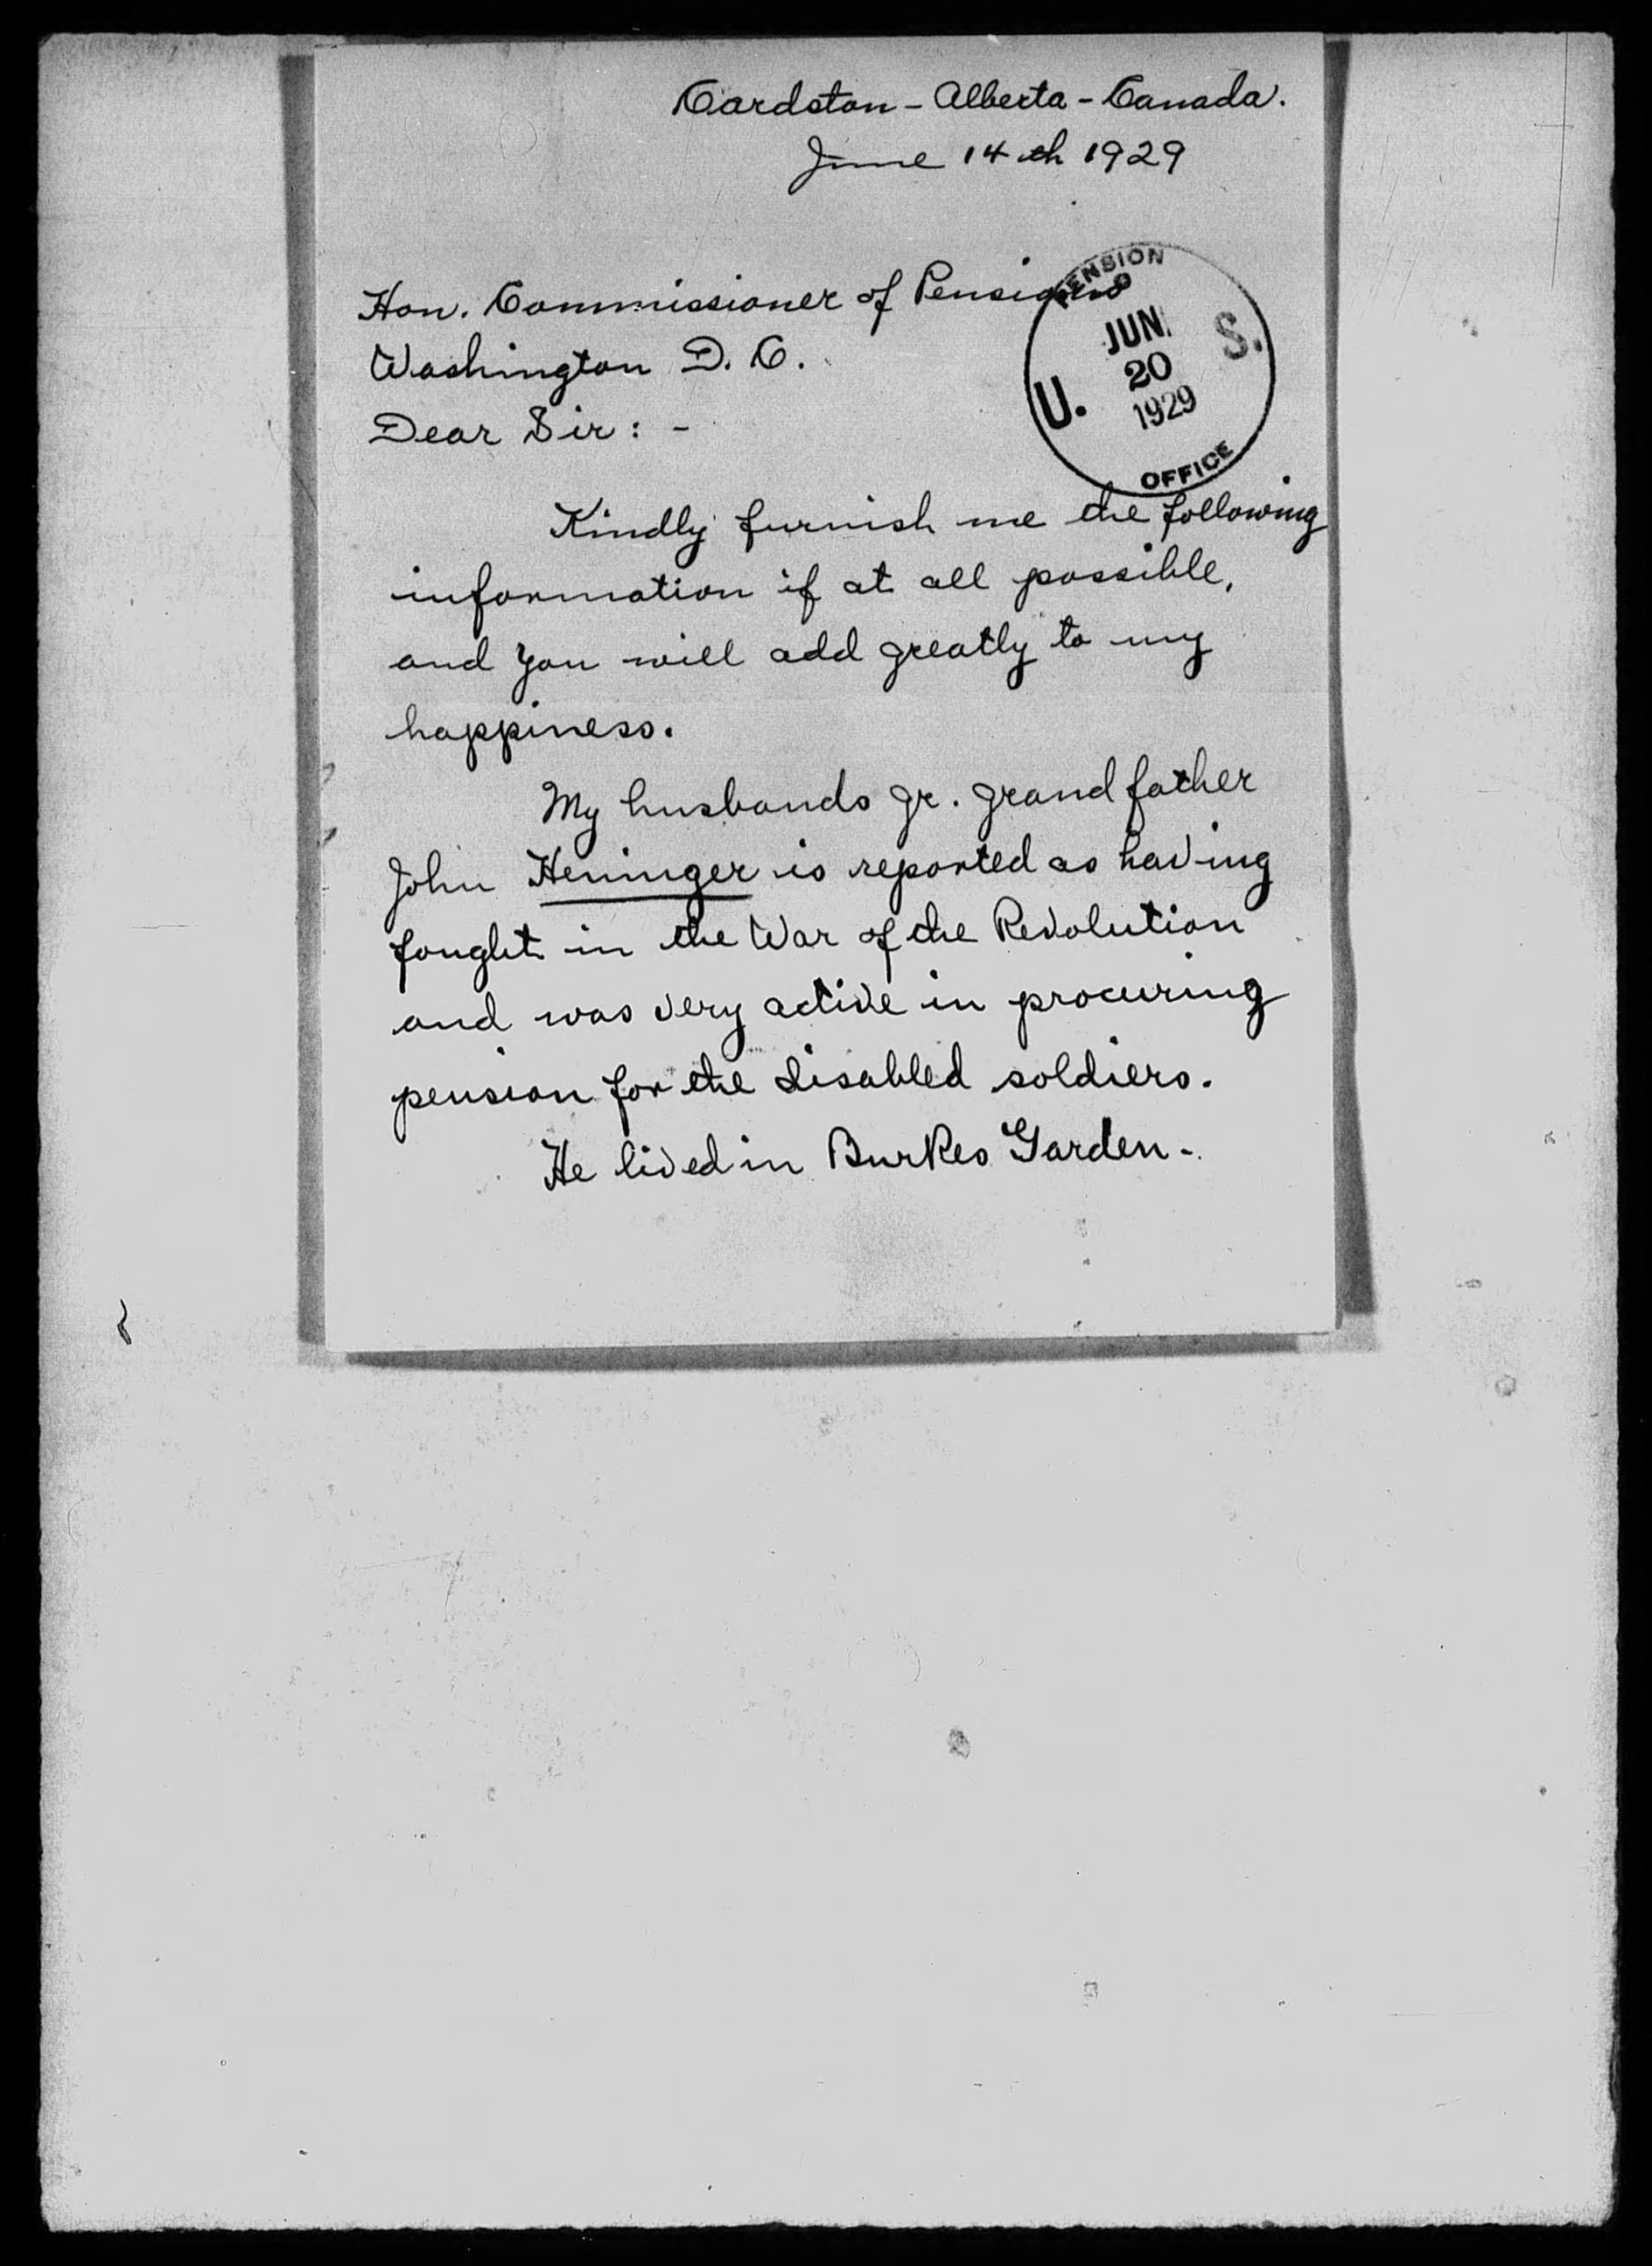US Pension Office Stamp - Jun 20 1929

Cardston Alberta Canada
June 14th 1929

Hon. Commissioner of Pensions
Washington D.C.

Dear Sir:

Kindly furnish me the following information if at all possible and you will add greatly to my happiness.

My husband's Gr. Grandfather John Heninger is reported as having fought int he war of the revolution and was very active in procuring pension for the disabled soldiers.

He lived in Burkes Garden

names: John Heninger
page: 15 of 18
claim: survivor's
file: S. 15,884, John Hennigar, Md.